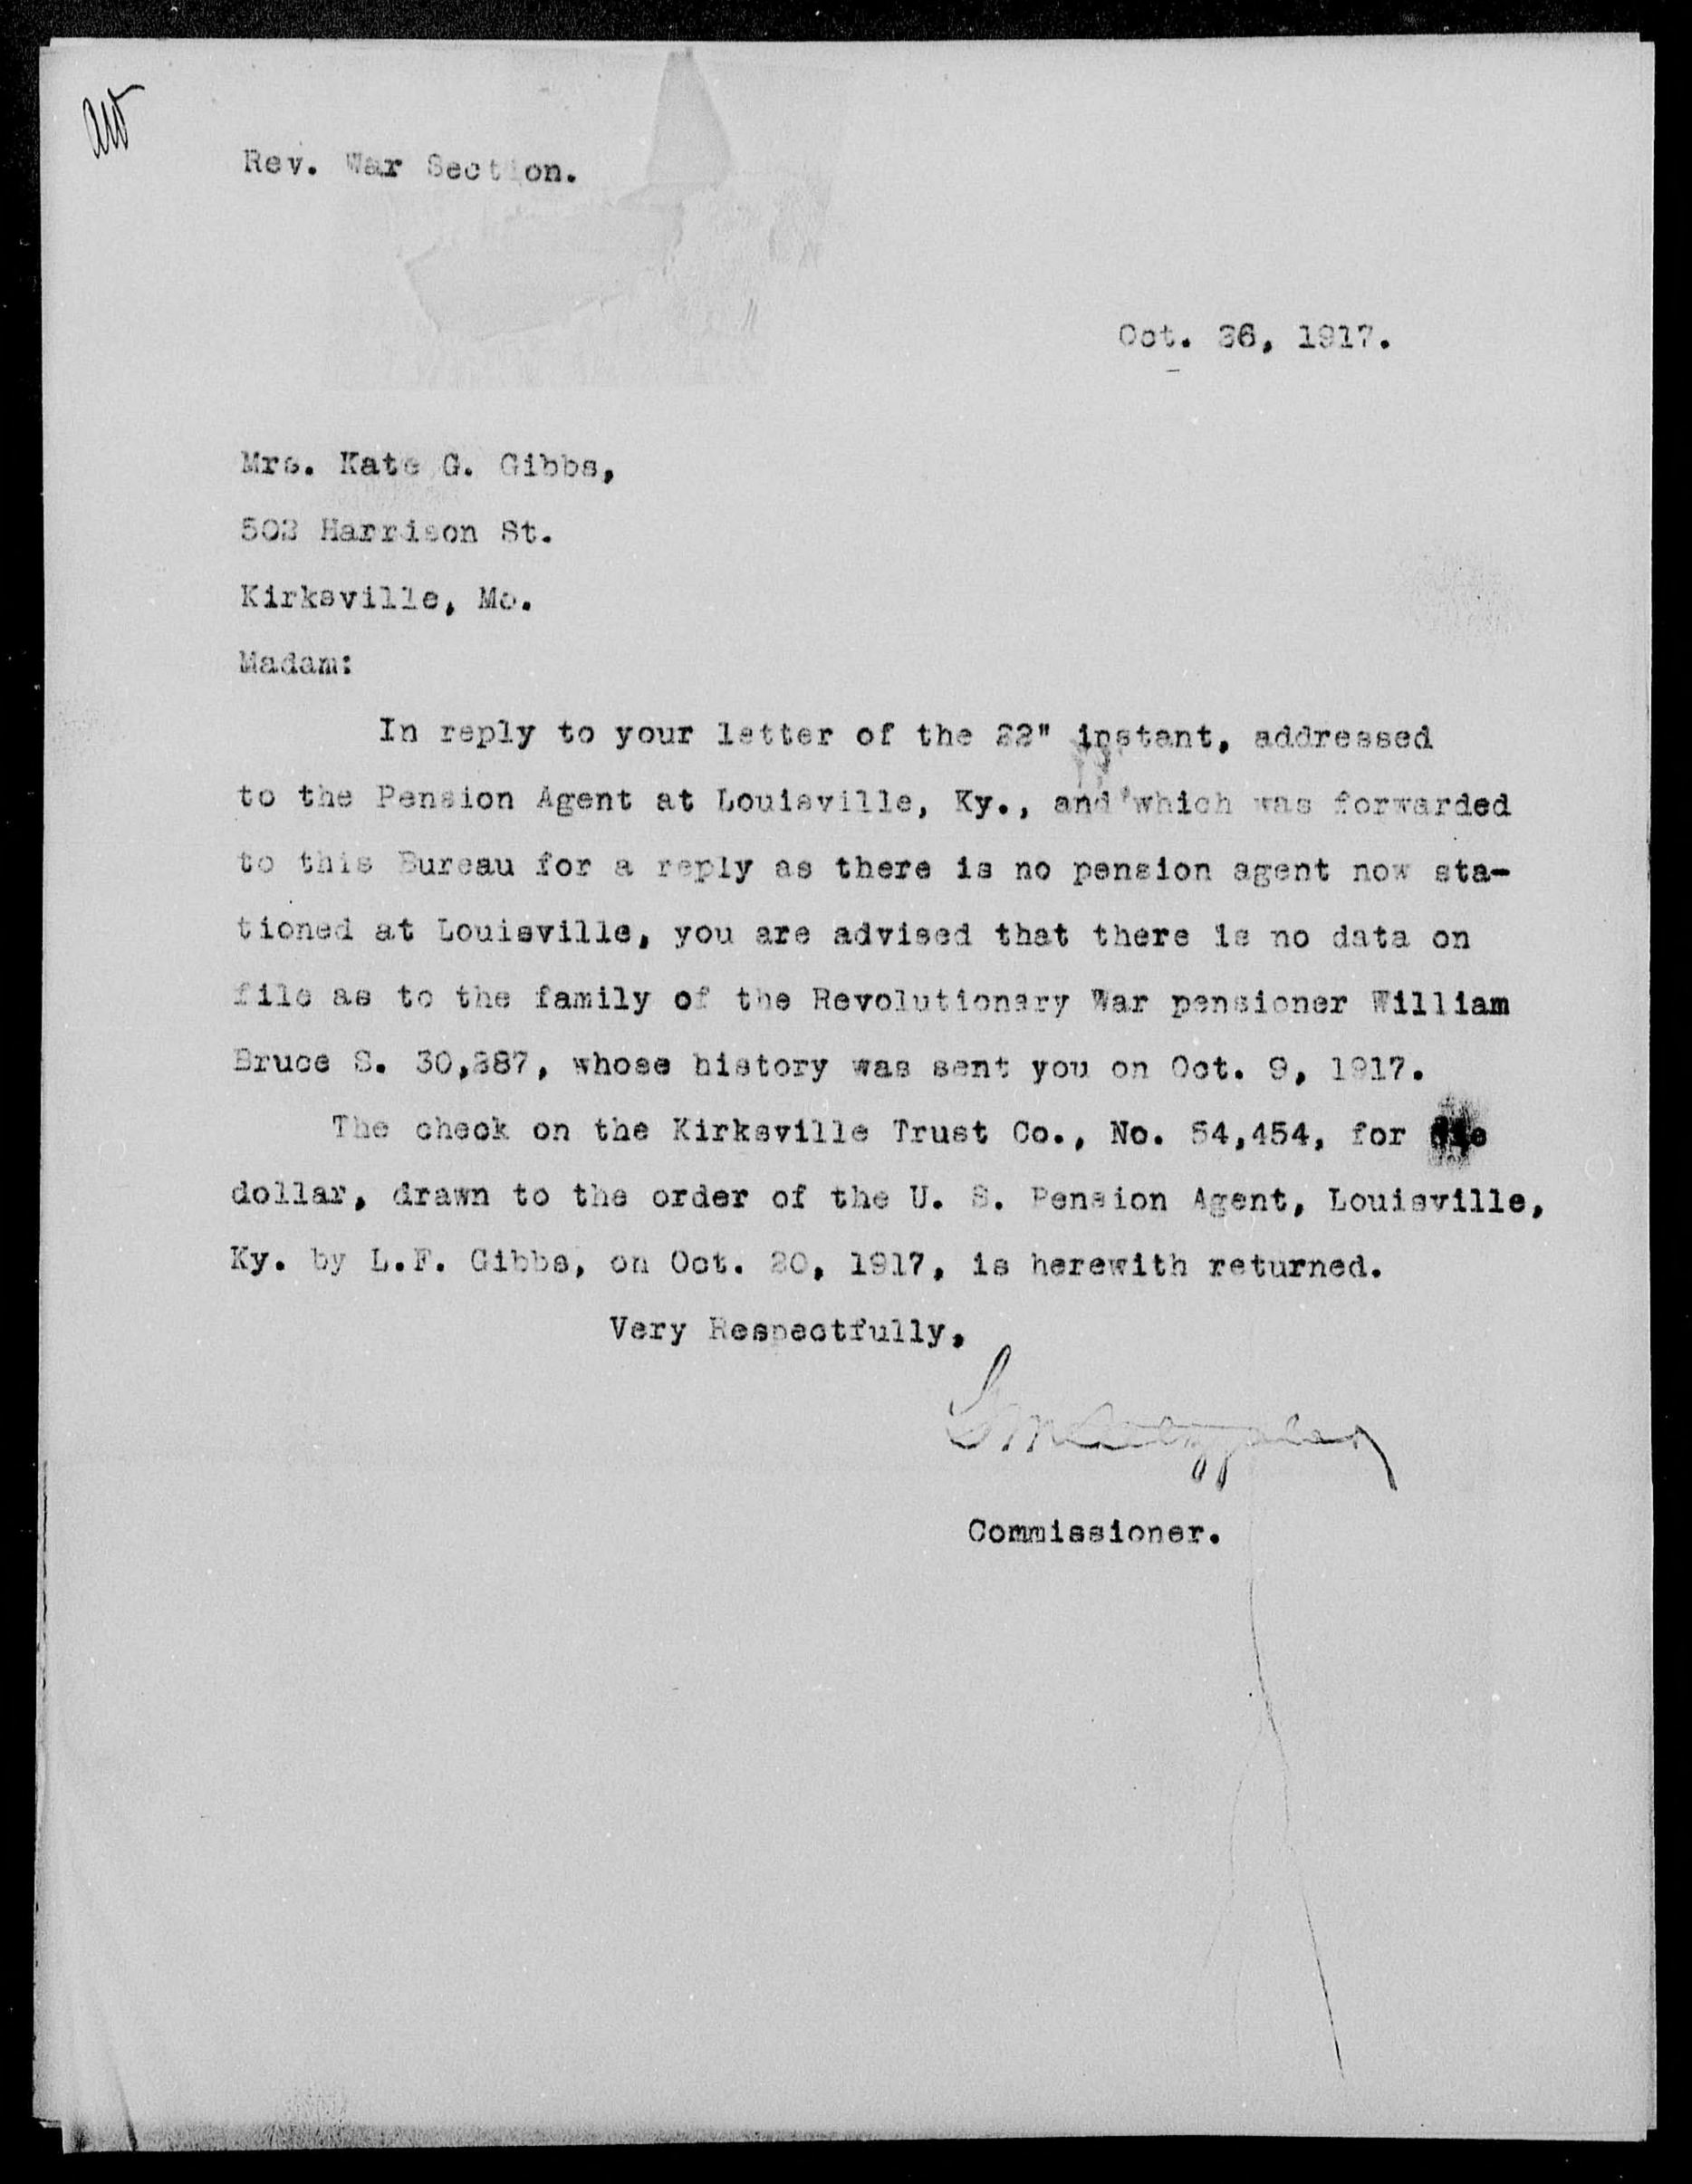[typed form, with handwritten responses]

A.W. Rev. War Section. 

Oct. 26, 1817.

Mrs. Kate G. Gibbs, 
502 Harrison St. 
Kirksville, Mo. 

Madam:

In reply to your letter of the 22"instant, addressed to the Pension Agent at Louisville, Ky., and which was forwarded to this Bureau for a reply as there is no pension agent now stationed at Louisville, you are advised that there is no data on file as to the family of the Revolutionary War pensioner William Bruce S. 30, 287, whose history was sent you on Oct. 9, 1817. 

The check on the Kirksville Trust Co., No. 54, 454, for [ink smear] dollar, drawn to the order of the U. S. Pension Agent, Louisville, Ky. by L. F. Gibbs, on Oct. 20, 1917, is herewith returned. 

Very Respectfully, 

GM Saltzgaber
Commissioner.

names: Kate G Gibbs, William Bruce, G M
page: 49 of 54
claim: survivor's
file: S. 30287, William Bruce, N.C.